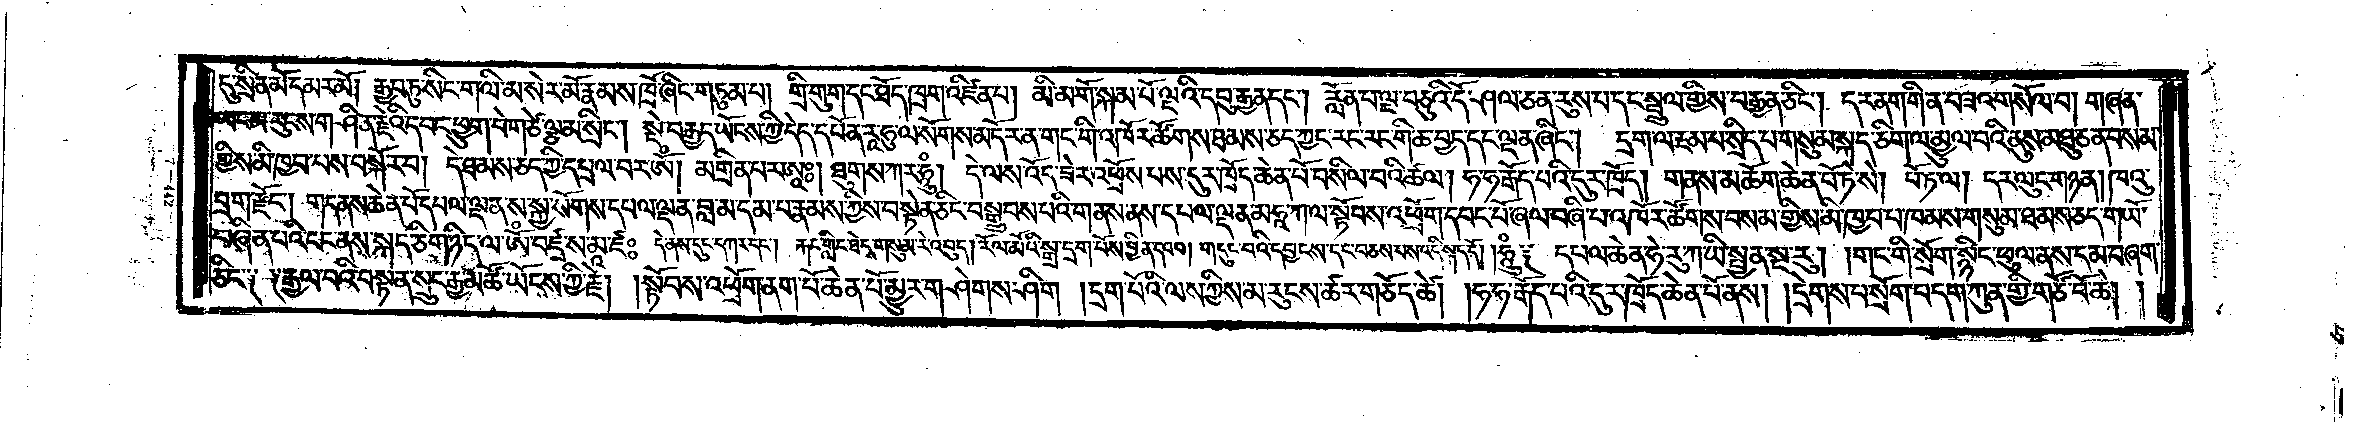དུ་སྲིན་མོ་དམར་མོ། རྒྱབ་ཏུ་སིང་ག་ལི་མ་སེར་མོ་རྣམས་ཁྲོ་ཞིང་གཏུམ་པ། གྲི་གུག་དང་ཐོད་ཁྲག་འཛིན་པ། མི་མགོ་སྐམ་པོ་ལྔའི་དབུ་རྒྱན་དང་། རློན་པ་ལྔ་བཅུའི་དོ་ཤལ་ཅན་རུས་པ་དང་སྦྲུལ་གྱིས་བརྒྱན་ཅིང་། དར་ནག་གིན་བཟའ་གསོལ་བ། གཞན་
ཡང་མ་རུངས་གཤིན་རྗེའི་དབང་ཕྱུག་བེག་ཙེ་ལྕམ་སྲིང་། སྡེ་བརྒྱད་ཡོངས་ཀྱི་དེད་དཔོན་རཱ་ཧུ་ལ་སོགས་མདོར་ན་གང་གི་འཁོར་ཚོགས་ཐམས་ཅད་ཀྱང་རང་རང་གི་ཆ་བྱེད་དང་ལྡན་ཞིང་། དྲག་ལ་རྔམ་པ་སྲིད་པ་གསུམ་སྐད་ཅིག་ལ་མྱུལ་བའི་ནུས་མཐུ་ཅན་བསམ་
གྱིས་མི་ཁྱབ་པས་བསྐོར་བ། དེ་ཐམས་ཅད་ཀྱི་དཔྲལ་བར་ཨོཾ། མགྲིན་པར་ཨཱཿ། ཐུགས་ཀར་ཧཱུཾ། དེ་ལས་འོད་ཟེར་འཕྲོས་པས་དུར་ཁྲོད་ཆེན་པོ་བསིལ་བའི་ཚལ། ཧ་ཧ་རྒོད་པའི་དུར་ཁྲོད། གནས་མཆོག་ཆེན་བོ་ཏེ་སེ། བོ་ཏ་ལ། དར་ལུང་གཉན། ཁའུ་
བྲག་རྫོང་། གདན་ས་ཆེན་པོ་དཔལ་ལྡན་ས་སྐྱ་སོགས་དཔལ་ལྡན་བླ་མ་དམ་པ་རྣམས་ཀྱིས་བསྟེན་ཅིང་བསྒྲུབས་པའི་གནས་ནས་དཔལ་ལྡན་མཧཱ་ཀ་ལ་སྟོབས་འཕྲོག་དབང་པོ་ཞལ་བཞི་པ་འཁོར་ཚོགས་བསམ་གྱིས་མི་ཁྱབ་པ་ཁམས་གསུམ་ཐམས་ཅད་གཡོ་
བཞིན་པའི་ངང་ནས་སྐད་ཅིག་ཉིད་ལ་ཨོཾ་བཛྲ་ས་མཱ་ཛཿ དེ་ནས་དུང་དཀར་དང་། རྐང་གླིང་ཐེངས་གསུམ་རེ་འབུད། རོལ་མོའི་སྒྲ་དྲག་པོས་བྱིན་དབབ། གདུང་བའི་དབྱངས་དང་བཅས་པས་འདི་སྐད་དོ྾།  །ཧཱུཾ༑ དཔལ་ཆེན་ཧེ་རུ་ཀ་ཡི་སྤྱན་སྔ་རུ། །གང་གི་སྲོག་སྙིང་ཕུལ་ནས་དམ་བཞག་
ཅིང༑ ༑རྒྱལ་བའི་བསྟན་སྲུང་རྒྱ་མཚོ་ཡོངས་ཀྱི་རྗེ། །སྟོབས་འཕྲོག་ནག་པོ་ཆེན་པོ་མྱུར་གཤེགས་ཤིག །དྲག་པོའི་ལས་ཀྱིས་མ་རུངས་ཚར་གཅོད་ཚེ། །ཧ་ཧ་རྒོད་པའི་དུར་ཁྲོད་ཆེན་པོ་ནས། །དྲེགས་པ་སྲོག་བདག་ཀུན་གྱི་གཙོ་བོ་ཆེ། །